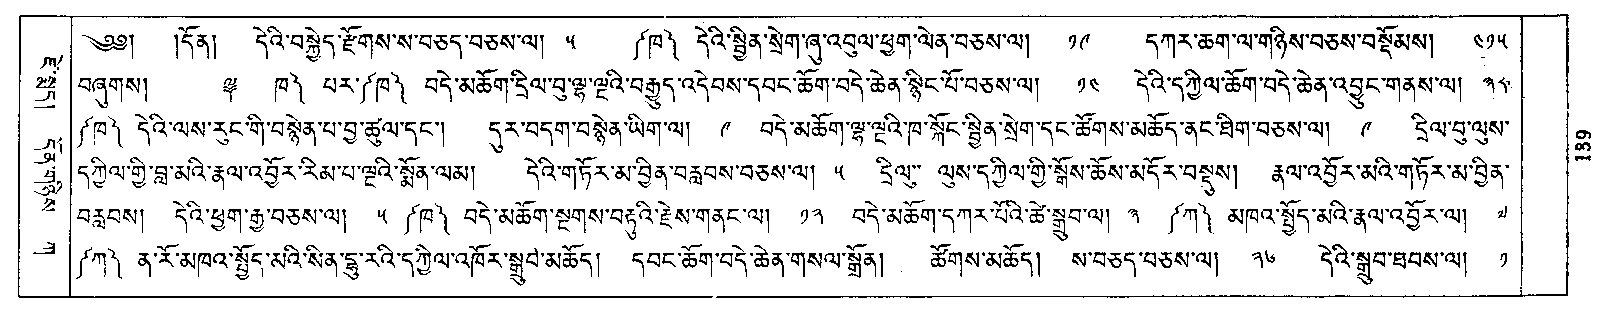༄༅། །དོན། དེའི་བསྐྱེད་རྫོགས་ས་བཅད་བཅས་ལ། ༥་?ཁ་དེའི་སྦྱིན་སྲེག་ཞུ་འབུལ་ཕྱག་ལེན་བཅས་ལ། ༡༩་དཀར་ཆག་ལ་གཉིས་བཅས་བསྡོམས། ༤༡༥
བཞུགས། ༈ ཁ༼་པར་?ཁ༽ བདེ་མཆོག་དྲིལ་བུ་ལྷ་ལྔའི་བརྒྱུད་འདེབས་དབང་ཆོག་བདེ་ཆེན་སྙིང་པོ་བཅས་ལ། ༡༤་དེའི་དཀྱིལ་ཆོག་བདེ་ཆེན་འབྱུང་གནས་ལ། ༣༨
?ཁ་དེའི་ལས་རུང་གི་བསྙེན་པ་བྱ་ཚུལ་དང་། དུར་བདག་བསྙེན་ཡིག་ལ། ༩་བདེ་མཆོག་ལྷ་ལྔའི་ཁ་སྐོང་སྦྱིན་སྲེག་དང་ཚོགས་མཆོད་ནང་ཐིག་བཅས་ལ། ༩་དྲིལ་བུ་ལུས་
དཀྱིལ་གྱི་བླ་མའི་རྣལ་འབྱོར་རིམ་པ་ལྔའི་སྨོན་ལམ། དེའི་གཏོར་མ་བྱིན་བརླབས་བཅས་ལ། ༥་དྲི་ལུ་ལུས་དཀྱིལ་གྱི་སྒོས་ཆོས་མདོར་བསྡུས། རྣལ་འབྱོར་མའི་གཏོར་མ་བྱིན་
བརླབས། དེའི་ཕྱག་རྒྱ་བཅས་ལ། ༥་?ཁ༼་བདེ་མཆོག་སྔགས་བརྟུའི་རྗེས་གནང་ལ། ༡༢་བདེ་མཆོག་དཀར་པོའི་ཚེ་སྒྲུབ་ལ། ༣་?ཀ༽ མཁའ་སྤྱོད་མའི་རྣལ་འབྱོར་ལ། ༧
?ཀ་ན་རོ་མཁའ་སྤྱོད་མའི་སིན་དྷུ་རའི་དཀྱིལ་འཁོར་སྒྲུབ་མཆོད། དབང་ཆོག་བདེ་ཆེན་གསལ་སྒྲོན། ཚོགས་མཆོད། ས་བཅད་བཅས་ལ། ༢༦་དེའི་སྒྲུབ་ཐབས་ལ། ༡